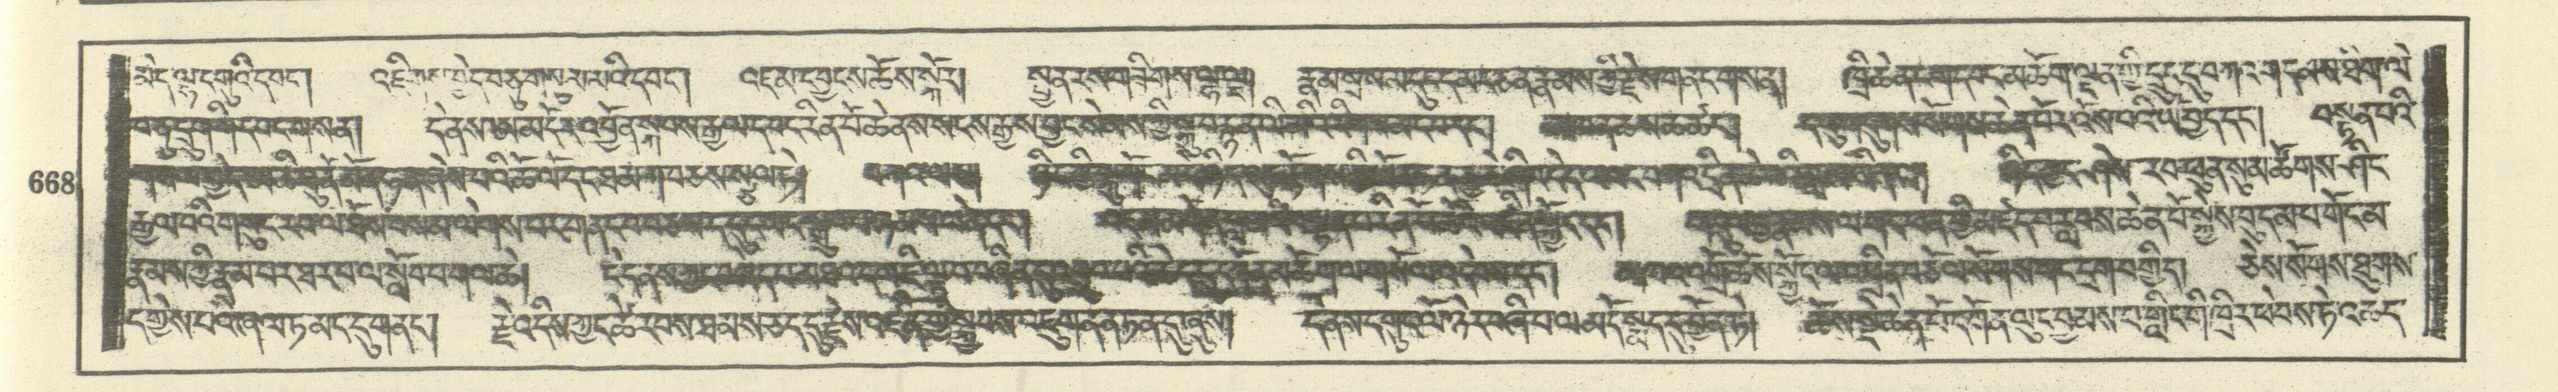མེད་ལྷ་དགུའི་དབང་། འཇིགས་བྱེད་བཅུ་གསུམ་མའི་དབང་། འཇམ་དབྱངས་ཆོས་སྐོར། སྤྱན་རས་གཟིགས་ལྷ་ལྔ། རྣམ་སྲས་མདུང་དམར་ཅན་རྣམས་ཀྱི་རྗེས་གནང་གསན། ཁྲི་ཆེན་ངག་དབང་མཆོག་ལྡན་གྱི་དྲུང་དུ་བཀའ་གདམས་ཐིག་ལེ་
བཅུ་དྲུག་གི་དབང་གསན། དེ་ནས་ཨ་མདོར་འབྱོན་སྐབས་རྒྱལ་དབང་རིན་པོ་ཆེ་ནས་སངས་རྒྱས་བྱང་སེམས་ཀྱི་སྐུ་བརྙན་ལི་མའི་རིགས་མང་བ་དང་། མཁན་ཆས་ཆ་ཚང་། དབུ་གདུགས་སོགས་ཆེན་པོར་འོས་པའི་ཡོ་བྱད་དང་། བསྟན་པའི་
གསལ་བྱེད་ཨ་ཆི་ཐུ་ནོ་མོན་ཧན་ཞེས་པའི་ཆོ་ལོ་དང་ཐམ་ཀ་བཅས་སྩལ་ཏེ། བཀའ་ལས། ཉིད་ཀྱི་སྐུ་གོང་མ་དེ་ཉིད་ལུང་རྟོགས་ཀྱི་ཡོན་ཏན་རྒྱ་ཆེ་ཞིང་ངེད་ལའང་བཀའ་དྲིན་ཆེ་བའི་བླ་མ་ཡིན་ལ། ཉིད་ཀྱང་ཤེས་རབ་ཕུན་སུམ་ཚོགས་ཤིང་
རྒྱལ་བའི་གསུང་རབ་ལ་ཐོས་བསམ་ལེགས་བར་གནང་བ་བཅས་ད་དུང་ཡང་སྒྲུབ་བ་ཉམས་ལེན་དང་། འཇམ་མགོན་བླ་མའི་བསྟན་པ་རིན་པོ་ཆེའི་འཛིན་སྐྱོང་དང་། གདུལ་བྱ་རྣམས་ལ་གང་ཕན་གྱི་མཛད་པ་རླབས་ཆེན་པོ་སྐྱེས་བུ་དམ་པ་གོང་མ་
རྣམས་ཀྱི་རྣམ་པར་ཐར་པ་ལ་སློབ་པ་གལ་ཆེ། ངེད་ནས་ཀྱང་བཞེད་པ་མཐའ་དག་ཇི་ལྟ་བ་བཞིན་དུ་འགྲུབ་པའི་ཆེད་དུ་དཀོན་མཆོག་ལ་གསོལ་འདེབས་དང་། མཁའ་འགྲོ་ཆོས་སྐྱོང་ལ་འཕྲིན་བཅོལ་སོགས་གང་དྲག་བགྱིད། ཅེས་སོགས་ཐུགས་
དགྱེས་པའི་ཞལ་ཏ་མང་དུ་གནང་། རྗེ་འདི་སྐྱང་ཚེ་རབས་ཐམས་ཅད་དུ་རྗེས་འཛིན་གྱི་སྐྱབས་འཇུག་ནན་ཏན་དུ་ཞུས། དེ་ནས་དགུང་ལོ་ཉེར་བཞི་བ་ལ་མདོ་སྨད་དུ་བྱོན་ཏེ། ཆོས་སྡེ་ཆེན་པོ་དགོན་ལུང་བྱམས་པ་གླིང་གི་ཁྲིར་ཕེབས་ཏེ་འཆད་